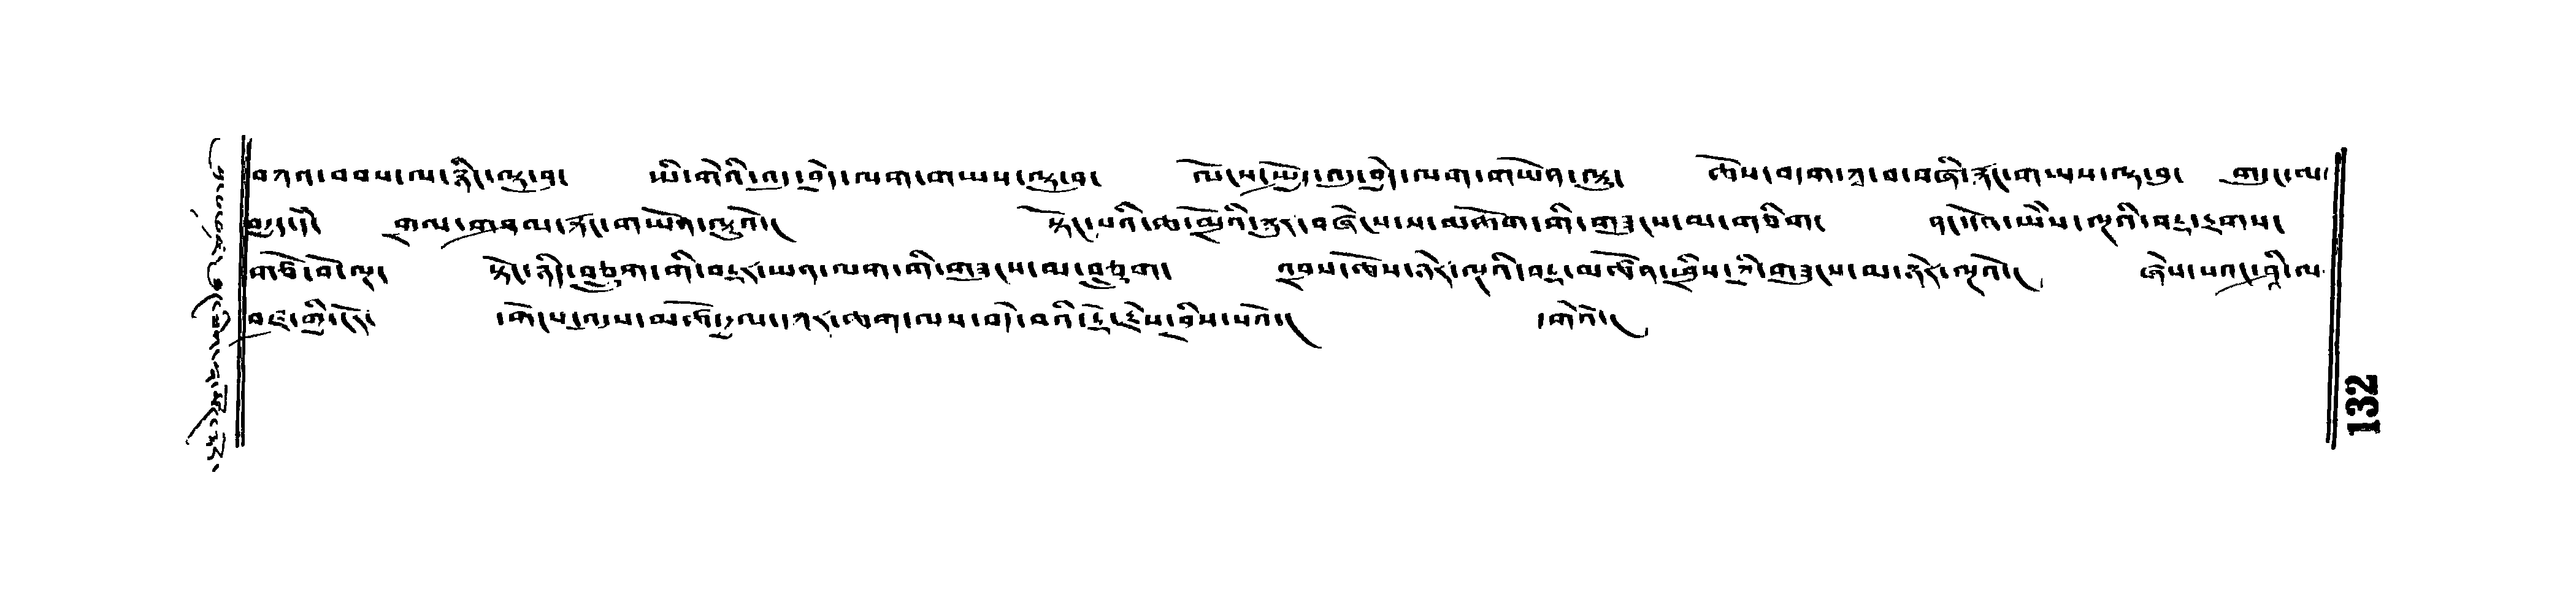བཀའ་བབས་སྙིང་ལྟ་བུ། ཡི་གེའི་འདུ་བྱེད་ལག་གཡས་ལྟ་བུ། ལོངས་སྤྱོད་འདུ་བྱེད་ལག་གཡོན་ལྟ་བུ། ཆོས་བདག་ཀྭ་བ་ཞི་རྐང་གཡས་ལྟ་བུ། གདུང་མ་
བརྒྱད་དམ། གྲལ་གཤམ་རྐང་གཡོན་ལྟ་བུའོ། སྟོང་པའི་ཆ་མཁའ་འགྲོའི་སྐུར་བཞེངས་པ་མཆོག་གི་གཟུངས་མ་གཅིག ནང་དོན་ཡེ་ཤེས་ལྔའི་བརྡ་རྟགས་
གཙོ་བོ་ལྔ། སྟོང་ཉིད་བཅུ་དྲུག་གི་བརྡར་ཡན་ལག་གི་གཟུངས་མ་བཅུ་དྲུག འབྲས་ཆོས་ཉེར་ལྔའི་བརྡ་མཚོན་ཕྲིན་ལས་ཀྱི་གཟུངས་མ་ཉེར་ལྔའོ། ཞེས་པའང་ཤཱི་ལ་
བཛྲ་གྱི་ངོར། དགོངས་འདུས་མཚོ་རྒྱལ་དཀར་ཆག་ལས་བདེ་བའི་རྡོ་རྗེས་བྲིས་པའོ།། དགེའོ།།